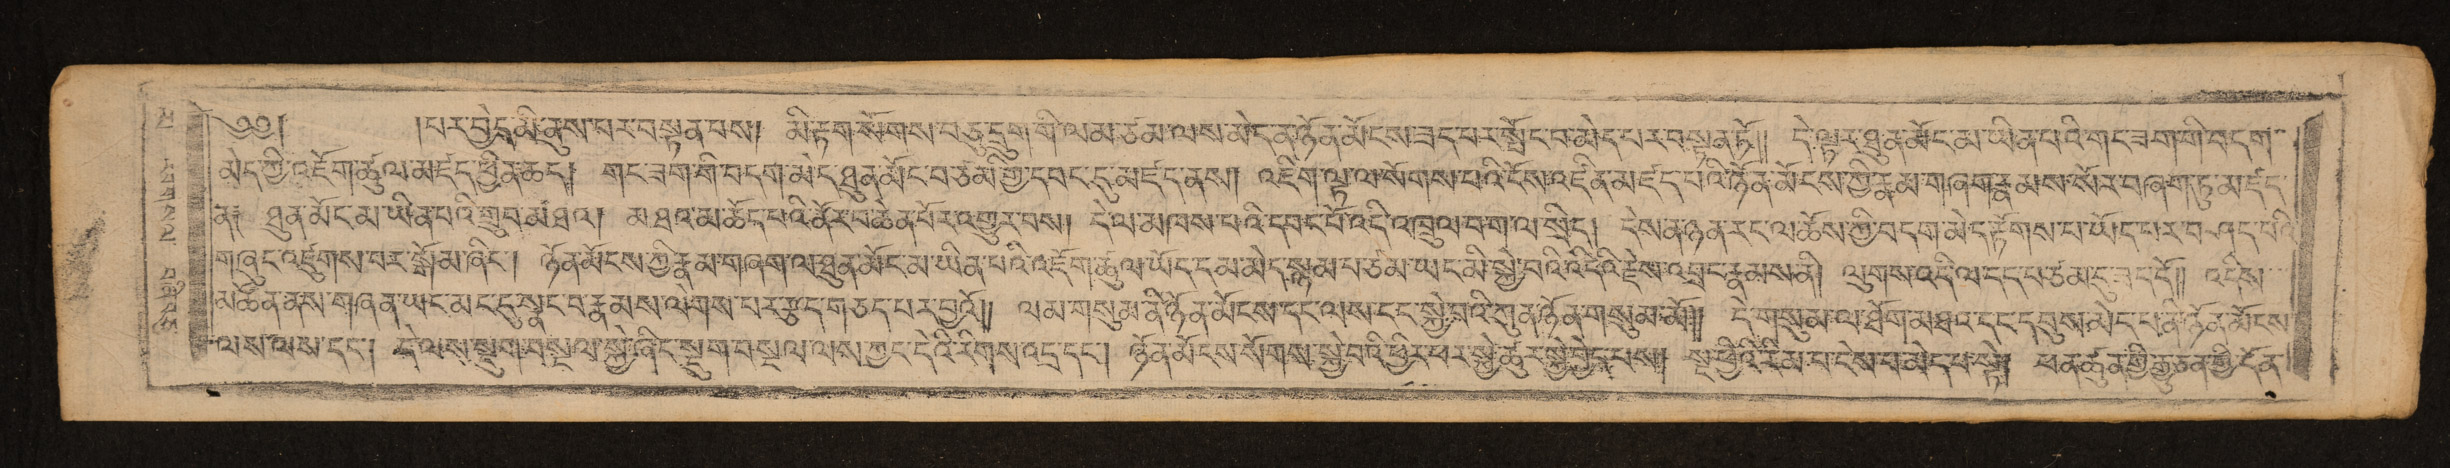༄༅། །པར་བྱེད་མི་ནུས་པར་བསྟན་པས། མི་རྟག་སོགས་བཅུ་དྲུག་གི་ལམ་ཙམ་ལས་མེད་ན་ཉོན་མོངས་ཟད་པར་སྤོང་བ་མེད་པར་བསྟན་ནོ།། དེ་ལྟར་ཐུན་མོང་མ་ཡིན་པའི་གང་ཟག་གི་བདག་
མེད་ཀྱི་འཇོག་ཚུལ་མཛད་ཕྱིན་ཆད། གང་ཟག་གི་བདག་མེད་ཐུན་མོང་བ་ཙམ་གྱི་དབང་དུ་མཛད་ནས། འཇིག་ལྟ་ལ་སོགས་པའི་ངོས་འཛིན་མཛད་པའི་ཉོན་མོངས་ཀྱི་རྣམ་གཞག་རྣམས་སོར་བཞག་ཏུ་མཛད་
ན༑ ཐུན་མོང་མ་ཡིན་པའི་གྲུབ་མཐའ། མཐའ་མ་ཆོད་པའི་ནོར་བ་ཆེན་པོར་འགྱུར་བས། དེ་ལ་མཁས་པའི་དབང་པོ་འདི་འཁྲུལ་བ་ག་ལ་སྲིད། དེས་ན་ཉན་རང་ལ་ཆོས་ཀྱི་བདག་མེད་རྟོགས་པ་ཡོད་པར་བཤད་པའི་
གཞུང་འཛུགས་པར་སྒོམ་ཞིང་། ཉོན་མོངས་ཀྱི་རྣམ་གཞག་ལ་ཐུན་མོང་མ་ཡིན་པའི་འཇོག་ཚུལ་ཡོད་དམ་མེད་སྙམ་པ་ཙམ་ཡང་མི་སྐྱེ་བའི་འདིའི་རྗེས་འབྲང་རྣམས་ནི། ལུགས་འདི་ལ་དད་པ་ཙམ་དུ་ཟད་དོ།། འདིས་
མཚོན་ནས་གཞན་ཡང་མང་དུ་སྣང་བ་རྣམས་ལེགས་པར་རྩད་གཅད་པར་བྱའོ།། ལམ་གསུམ་ནི་ཉོན་མོངས་དང་ལས་དང་སྐྱེ་བའི་ཀུན་ཉོན་གསུམ་མོ།། དེ་གསུམ་ལ་ཐོག་མཐའ་དང་དབུས་མེད་པ་ནི་ཉོན་མོངས་
ལས་ལས་དང་། དེ་ལས་སྡུག་བསྔལ་སྐྱེ་ཞིང་སྡུག་བསྔལ་ལས་ཀྱང་དེའི་རིགས་འདྲ་དང་། ཉོན་མོངས་སོགས་སྐྱེ་བའི་ཕྱིར་ཕར་སྐྱེ་ཚུར་སྐྱེ་བྱེད་པས། སྔ་ཕྱིའི་རིམ་པ་ངེས་པ་མེད་པ་སྟེ། ཕན་ཚུན་གྱི་རྒྱུ་ཅན་གྱི་དོན་